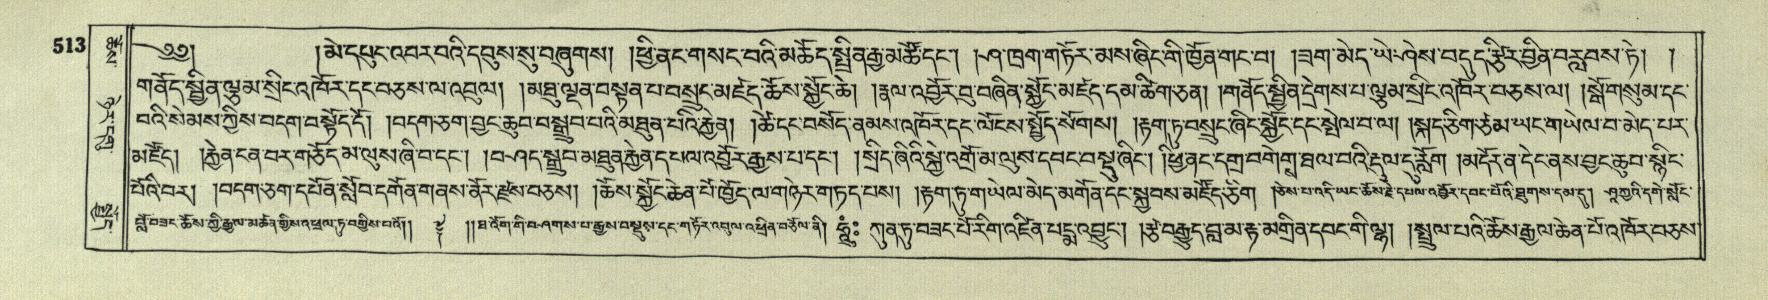༄༅། །མེ་དཔུང་འབར་བའི་དབུས་སུ་བཞུགས། །ཕྱི་ནང་གསང་བའི་མཆོད་སྤྲིན་རྒྱ་མཚོ་དང་། །ཤ་ཁྲག་གཏོར་མས་ཞིང་གི་ཁྱོན་གང་བ། །ཟག་མེད་ཡེ་ཤེས་བདུད་རྩིར་བྱིན་བརླབས་ཏེ། །
གནོད་སྦྱིན་ལྕམ་སྲིང་འཁོར་དང་བཅས་ལ་འབུལ། །མཐུ་ལྡན་བསྟན་པ་བསྲུང་མཛད་ཆོས་སྐྱོང་ཆེ། །རྣལ་འབྱོར་བུ་བཞིན་སྐྱོང་མཛད་དམ་ཚིག་ཅན། །གནོད་སྦྱིན་དྲེགས་པ་ལྕམ་སྲིང་འཁོར་བཅས་ལ། །སྒོ་གསུམ་དང་
བའི་སེམས་ཀྱིས་བདག་བསྟོད་དོ། །བདག་ཅག་བྱང་ཆུབ་བསྒྲུབ་པའི་མཐུན་པའི་རྐྱེན། །ཚེ་དང་བསོད་ནམས་འཁོར་དང་ལོངས་སྤྱོད་སོགས། །རྟག་ཏུ་བསྲུང་ཞིང་སྐྱོང་དང་སྤེལ་བ་ལ། །སྐད་ཅིག་ཙམ་ཡང་གཡེལ་བ་མེད་པར་
མཛོད། །རྐྱེན་ངན་བར་གཅོད་མ་ལུས་ཞི་བ་དང་། །བཤད་སྒྲུབ་མཐུན་རྐྱེན་དཔལ་འབྱོར་རྒྱས་པ་དང་། །སྲིད་ཞིའི་སྐྱེ་འགྲོ་མ་ལུས་དབང་བསྡུ་ཞིང་། །ཕྱི་ནང་དགྲ་བགེགས་ཐལ་བའི་རྡུལ་དུ་རློག །མདོར་ན་དེང་ནས་བྱང་ཆུབ་སྙིང་
པོའི་བར། །བདག་ཅག་དཔོན་སློབ་དགོན་གནས་ནོར་རྫས་བཅས། །ཆོས་སྐྱོང་ཆེན་པོ་ཁྱོད་ལ་གཉེར་གཏད་པས། །རྟག་ཏུ་གཡེལ་མེད་མགོན་དང་སྐྱབས་མཛོད་ཅིག །ཅེས་པ་འདི་ཡང་ཆོས་རྗེ་དཔལ་འབྱོར་དབང་པོའི་ཐུགས་དམ་དུ། ཤཱཀྱའི་དགེ་སློང་
བློ་བཟང་ཆོས་ཀྱི་རྒྱལ་མཚན་གྱིས་འཕྲལ་ཏུ་བགྱིས་བའོ།། འ་།།ཐ་འོག་གི་བཤགས་པ་རྒྱས་བསྡུས་དང་གཏོར་འབུལ་འཕྲིན་བཅོལ་ནི། ཧཱུཾཿ ཀུན་ཏུ་བཟང་པོ་རིག་འཛིན་པདམ་འབྱུང་། །རྩ་བརྒྱུད་བླ་མ་རྟ་མགྲིན་དབང་གི་ལྷ། །སྤྲུལ་པའི་ཆོས་རྒྱལ་ཆེན་པོ་འཁོར་བཅས་